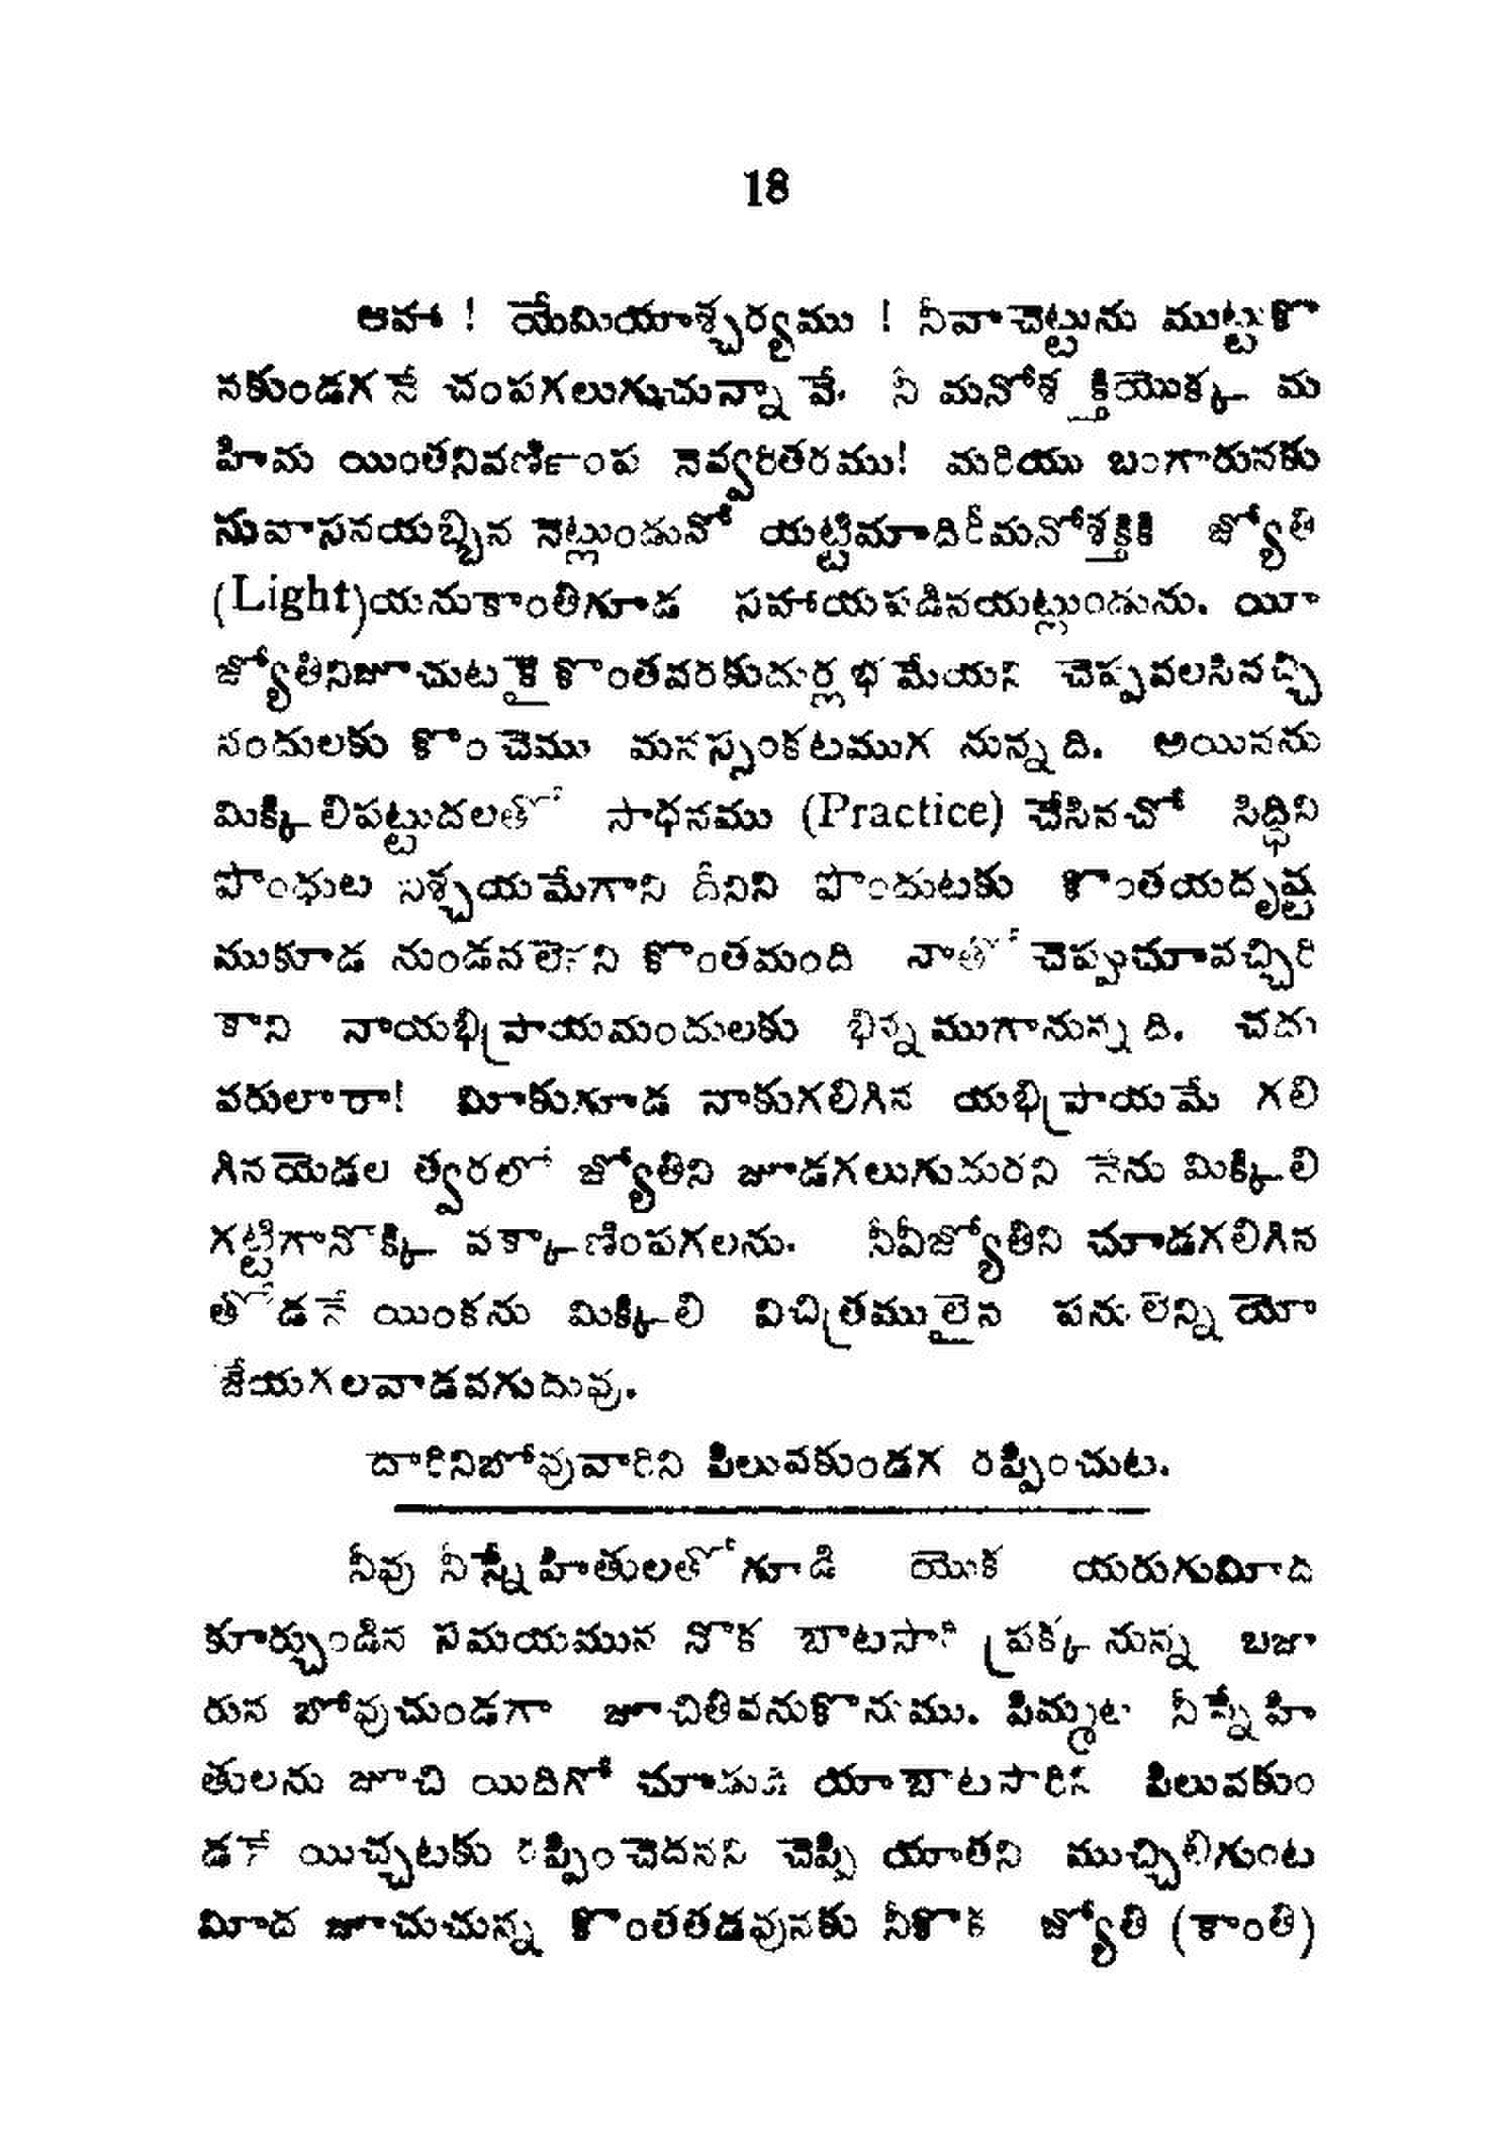ఆహా ! యేమియాశ్చర్యము ! నీవాచెట్టును ముట్టుకొనకుండగనే చంపగలుగుచున్నా వే. నీ మనోశక్తియొక్క మహిమ యింతనివణిన్ంప నెవ్వరితరము! మరియు బంగారునకు సువాసనయబ్బిన నెట్లుండునో యట్టిమాదిరీమనోశక్తికి జ్యోతి (Light)యనుకాంతిగూడ సహాయపడినయట్లుండును. యీ జ్యోతినిజూచుటకై కొంతవరకుదుర్లభమేయని చెప్పవలసివచ్చినందుదులకు కొంచెము మనస్సంకటముగ నున్నది. అయినను మిక్కిలిపట్టుదలతో సాధనము (Practice) చేసినచో సిద్ధిని
పొందుట నిశ్చయమేగాని దీనిని పొందుటకు కొంతయదృష్టముకూడ నుండవలెనని కొంతమంది నాతో చెప్పుచూవచ్చిరి కాని నాయభిప్రాయమందులకు భిన్నముగానున్నది. చదువరులారా! మీకుగూడ నాకుగలిగిన యభిప్రాయమే గలిగినయెడల త్వరలో జ్యోతిని జూడగలుగుదురని నేను మిక్కిలి గట్టిగానొక్కి వక్కాణింపగలను. నీవీజ్యోతిని చూడగలిగినతోడనే యింకను మిక్కిలి విచిత్రములైన పనులెన్నియో జేయగలవాడవగుదువు.

నీవు నీస్నేహితులతోగూడి యొక యరుగుమీద కూర్చుండిన సమయమున నొక బాటసారి ప్రక్క నున్న బజారున బోవుచుండగా జూచితివనుకొనుము. పిమ్మట నీస్నేహితులను జూచి యిదిగో చూడుడు యాబాటసారి పిలువకుండనే యిచ్చటకు రప్పించెదనని చెప్పి యాతని ముచ్చిలిగుంట మీద జూచుచున్న కొంతతడవునకు నీకొక జ్యోతి (కాంతి)